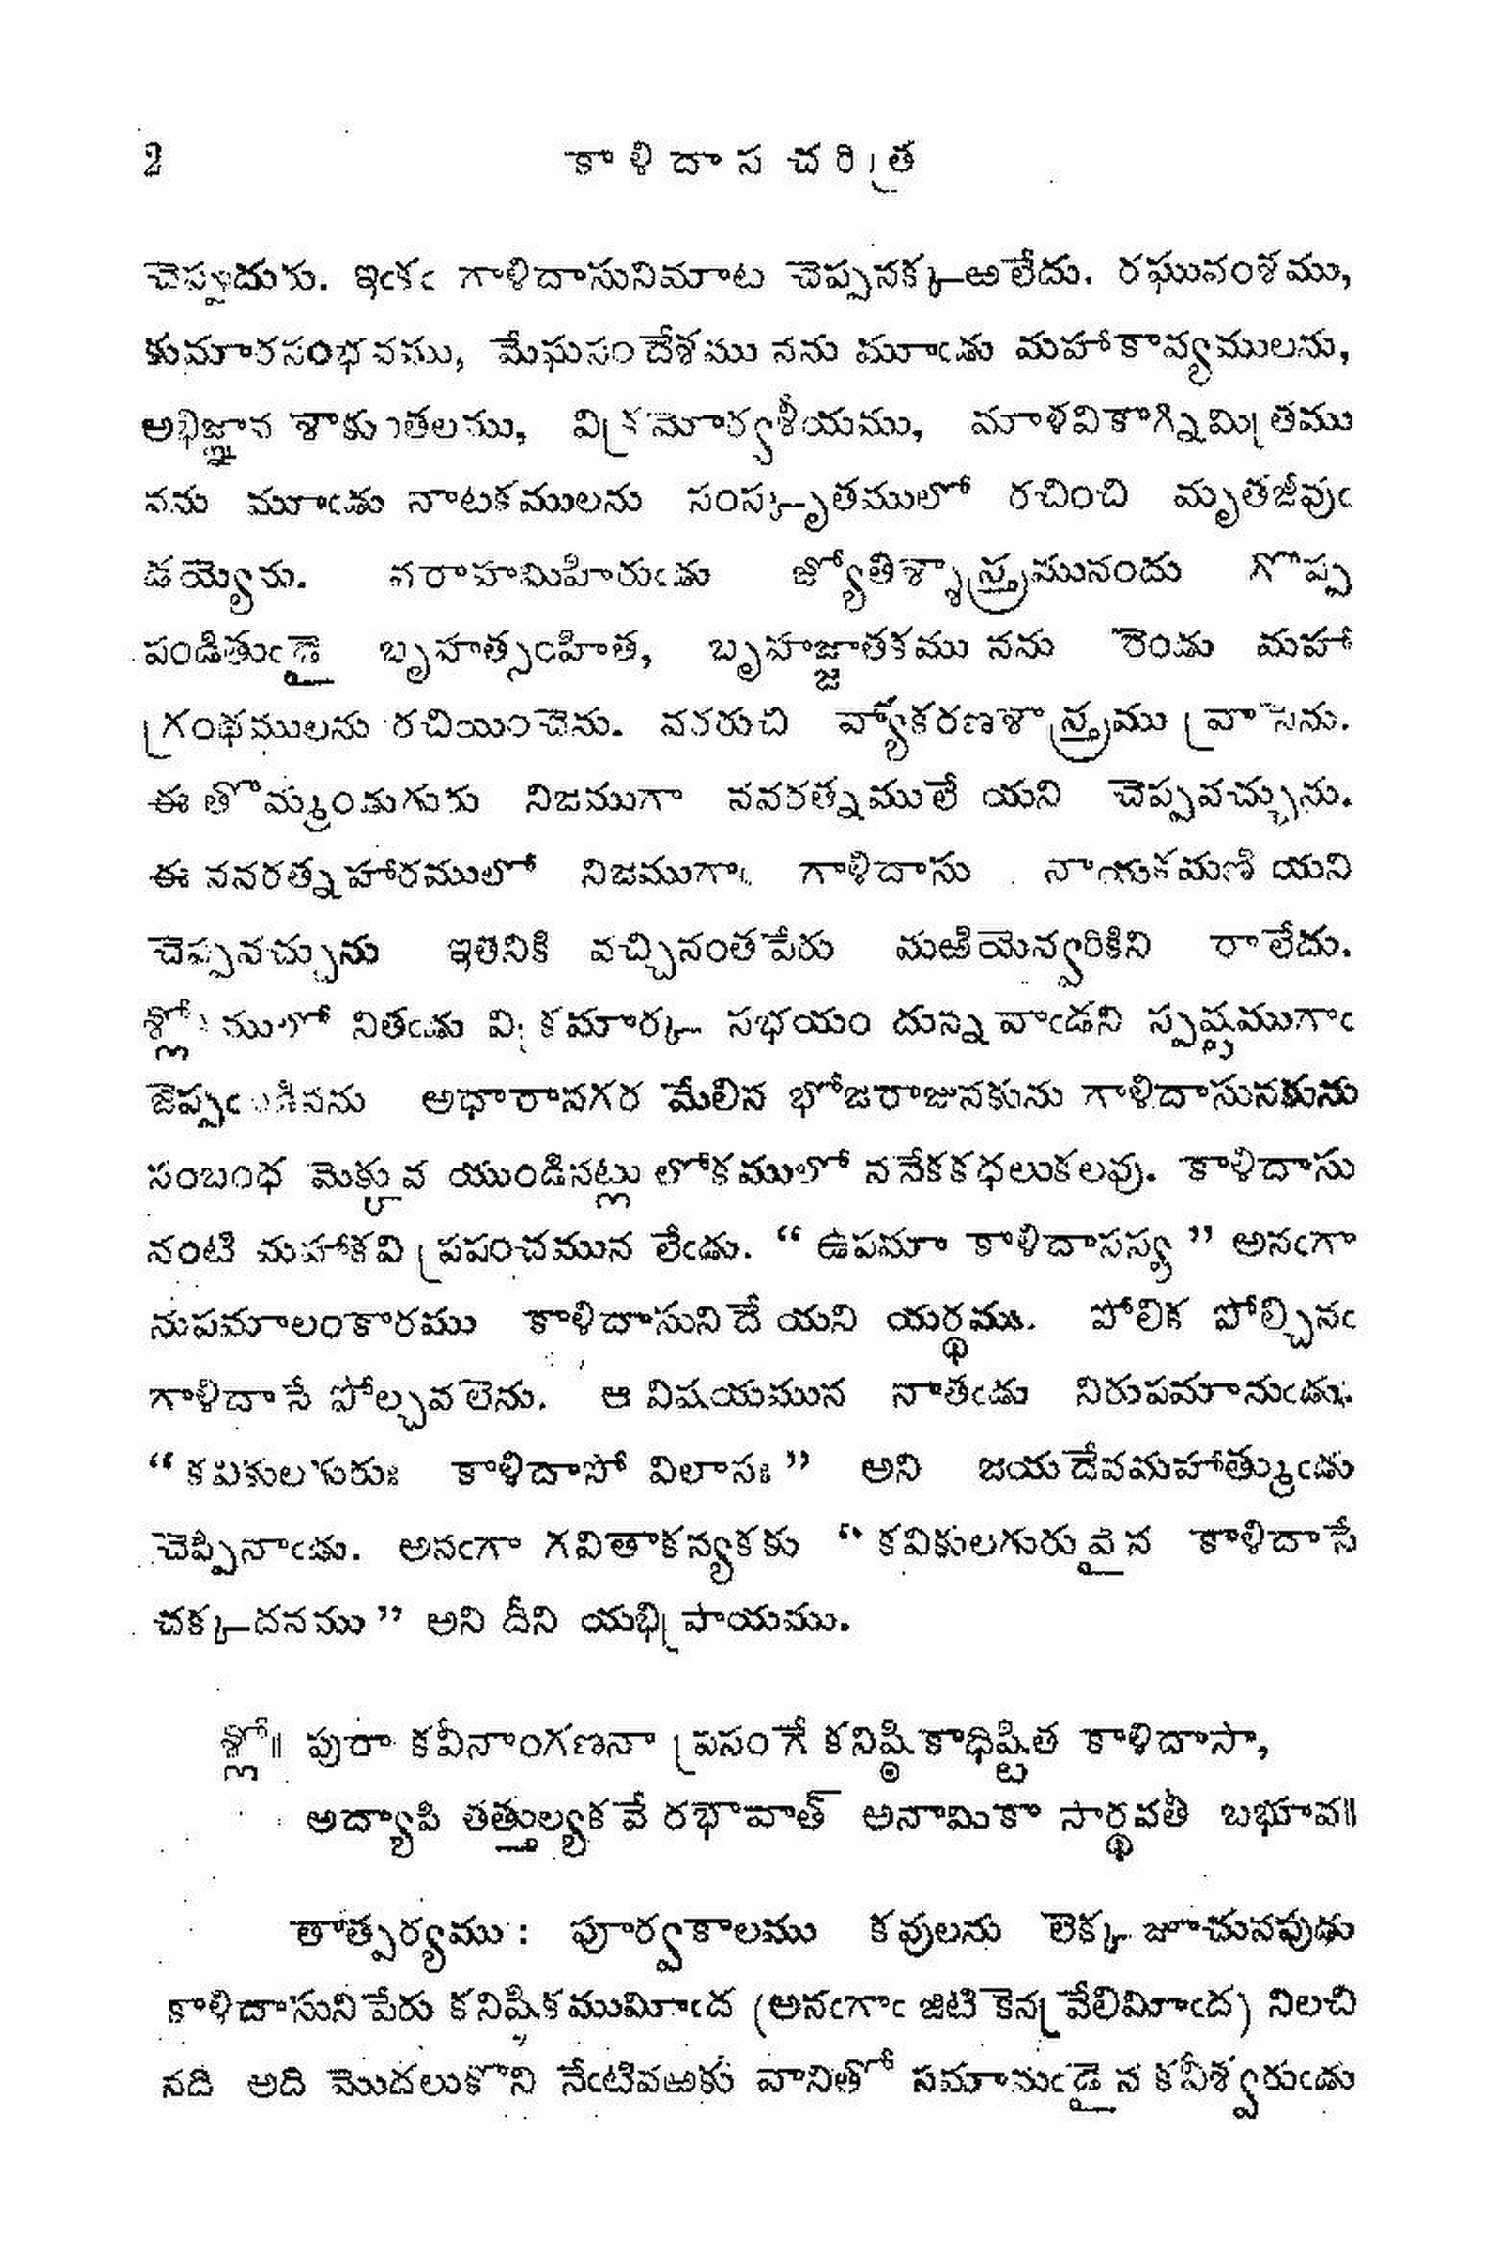చెప్పదగు ఇంక గాళిదాసునిమాట చెప్పనక్కఱలేదు. రఘువంశము, కుమారసంభవము, మేఘసందేశము నను మూడు కావ్యములందు, అభిజ్ఞానశాకుంతలము, విక్రమోర్వశీయము, మాళవికాగ్నిమిత్రము నను మూడు నాటకములను సంస్కృతములో రచించి మృతజీవుడయ్యను. వరాహమిహిరుడు జ్యోతిశ్శాస్త్రము నందు గొప్పపండితుడై బృహత్సంహిత, బృహజ్ఞాతకము నను రెండు మహాగ్రంధములను రచియించెను. వరరుచి వ్యాకరణశాస్త్రము వ్రాసెను. ఈతొమ్మండుగురు నిజముగా నవరత్నములే యనిచెప్పవచ్చును. ఈ నవరత్నహారములో నిజముగా గాళిదాసు నాయకమణి యని చెప్పవచ్చును. ఇతనికి వచ్చినంతపేరు మఱియెవ్వరికిని రాలేదు.శ్లోకములోనితడు విక్రమార్క సభయందున్నవాడని స్పష్టముగా జెప్పబడినను. ఆధారనగరము మేలిన భోజరాజునకును గాళిదాసునకును సంబధమెక్కున యుండినట్లు లోకములో ననేకకధలుకలవు. కాళిదాసు వంటి మహాకవి ప్రపంచమునలేడు. "ఉపమా కాళిదాసస్య" అనంగా నుపమాలంకారము కాళిదాసునదే యని యర్ధము. పోలికపోల్చిన గాళిదాసే పోల్చవలెను. ఆ విషయమున నాతడు నిరుపమానుదు. "కవికులగురువు కాలిదాసో విలాస" అని జయదేవ మహాత్ముడు చెప్పినాడు. అనగా గవితాకన్యకకు "కవికులగురువైన కాళిదాసే చక్కదనము" అని దీని యభిప్రాయము.

 శ్లో॥ పూరా కవినాంగణనా ప్రసంగే కనిస్టికాదిష్టిత కాలిదాసా,
 అద్యాపి తత్తుల్యకవేరభావాత్ అనామికా సార్ధవతి బభూవ॥

 
తాత్పర్యము: పూర్వకాలము కవులను లెక్కజూపుచు కాళిదాసునిపేరు కనిష్టముమీద (అనగ్సా జిటికెనవ్రేలిమీద) నిలచినది. అది మొదలుకొని నేటివఱకు వానితొ సమానుడైన కవీశ్వరుడు